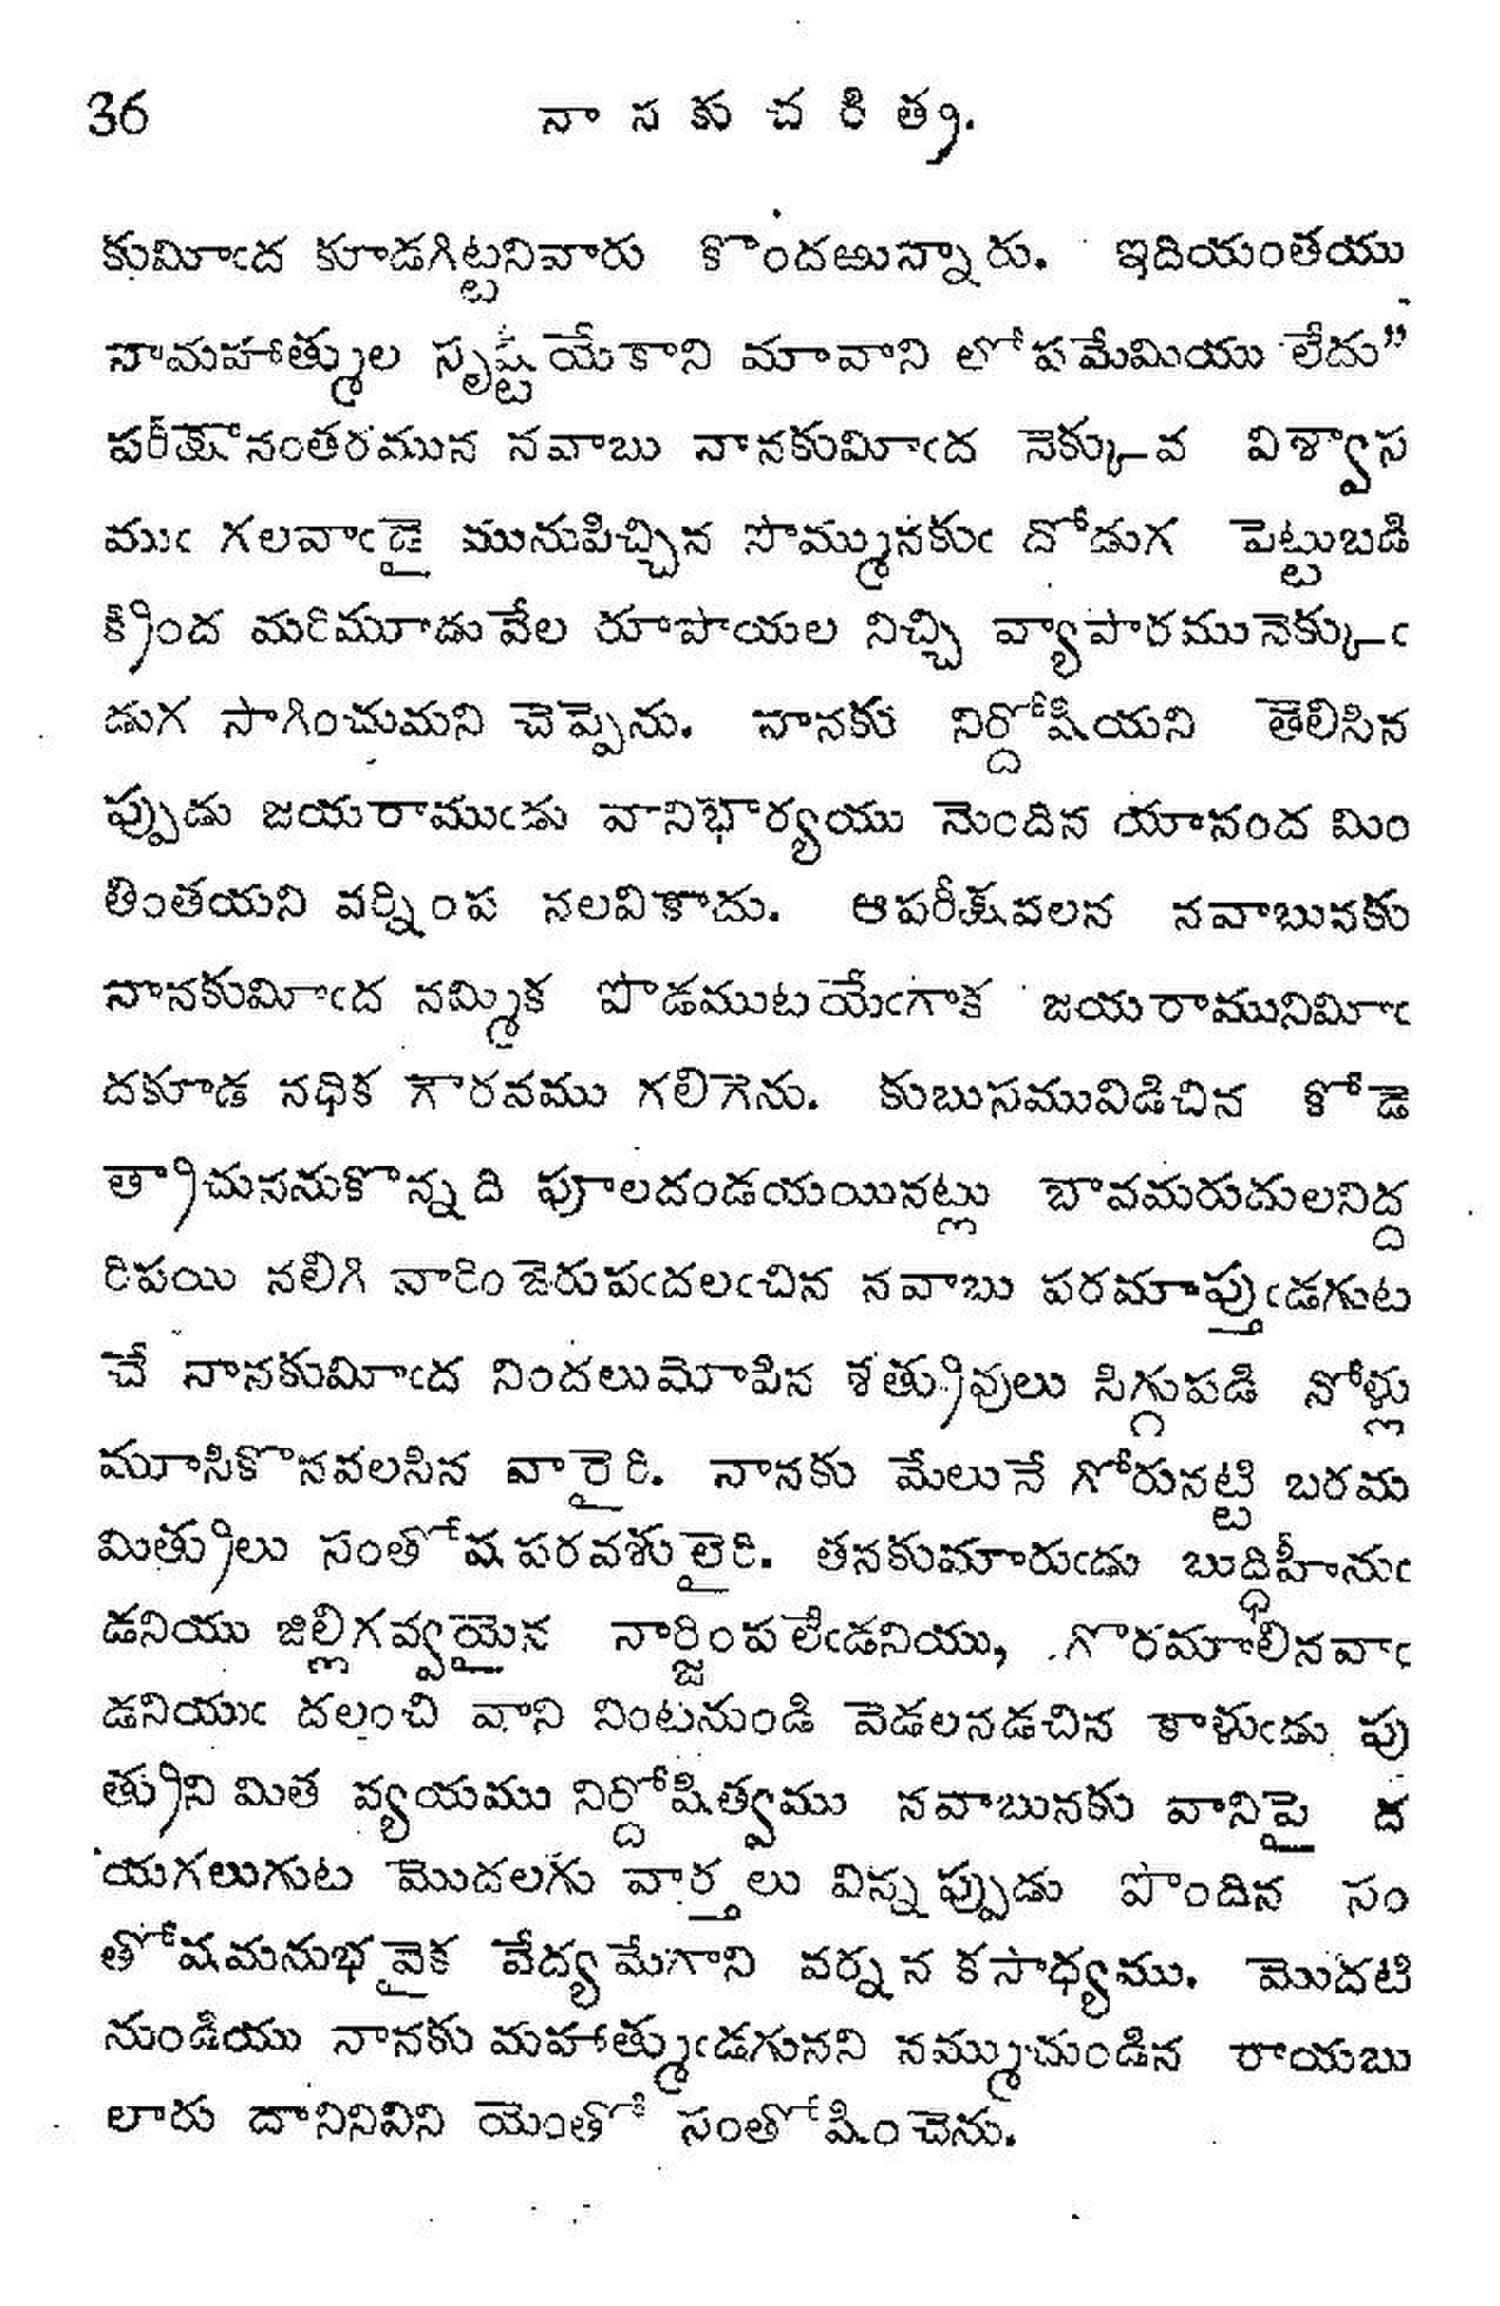కుమీద కూడగిట్టనివారు కొందఱున్నారు. ఇదియంతయు నామహాత్ముల సృష్టియేకాని మావాని లోపమేమియు లేదు" పరీక్షానంతరమున నవాబు నానకుమీద నెక్కువ విశ్వాసము గలవాడై మునుపిచ్చిన సొమ్మునకు దోడుగ పెట్టుబడి క్రింద మరిమూడువేల రూపాయల నిచ్చి వ్యాపారమునెక్కుడుగ సాగించమని చెప్పెను. నానకు నిర్దోషియని తెలిసినప్పుడు జయరాముడు వానిభార్యయు నొందిన యానంద మింతింతయని వర్నింప నలవికాదు. ఆపరీక్షవలన నవాబునకు నానకుమీద నమ్మిక పొడముటయేగాక జయరామునిమీదకూడ నధిక గౌరవము గలిగెను. కుబుసమువిడచిన కోడెత్రాచుననుకొన్నది పూలదండయయినట్లు బావమరుదులనిద్దరిపయి నలిగి వారిం జెరుపదలచిన నవాబు పరమాప్తుడగుటచే నానకుమీద నిందలుమోపిన శత్రువులు సిగ్గుపడి నోళ్లు మూసికొనవలసిన వారైరి. నానకు మేలునే గోరునట్టి బరమమిత్రులు సంతోషపరవశులైరి. తనకుమారుడు బుద్ధిహీనుడనియు జిల్లిగవ్వయైన నార్జింపలేడనియు, గొరమాలినవాడనియు దలంచి వాని నింటనుండి వెడలనడచిన కాళుడు పుత్రుని మిత వ్యయము నిర్దోషిత్వము నవాబునకు వానిపై దయగలుగుట మొదలగు వార్తలు విన్నప్పుడు పొందిన సంతోషమనుభవైక వేద్యమేగాని వర్నన కసాధ్యము. మొదటి నుండియు నానకు మహాత్ముడగునని నమ్ముచుండిన రాయబులారు దానినివిని యెంతో సంతోషించెను.